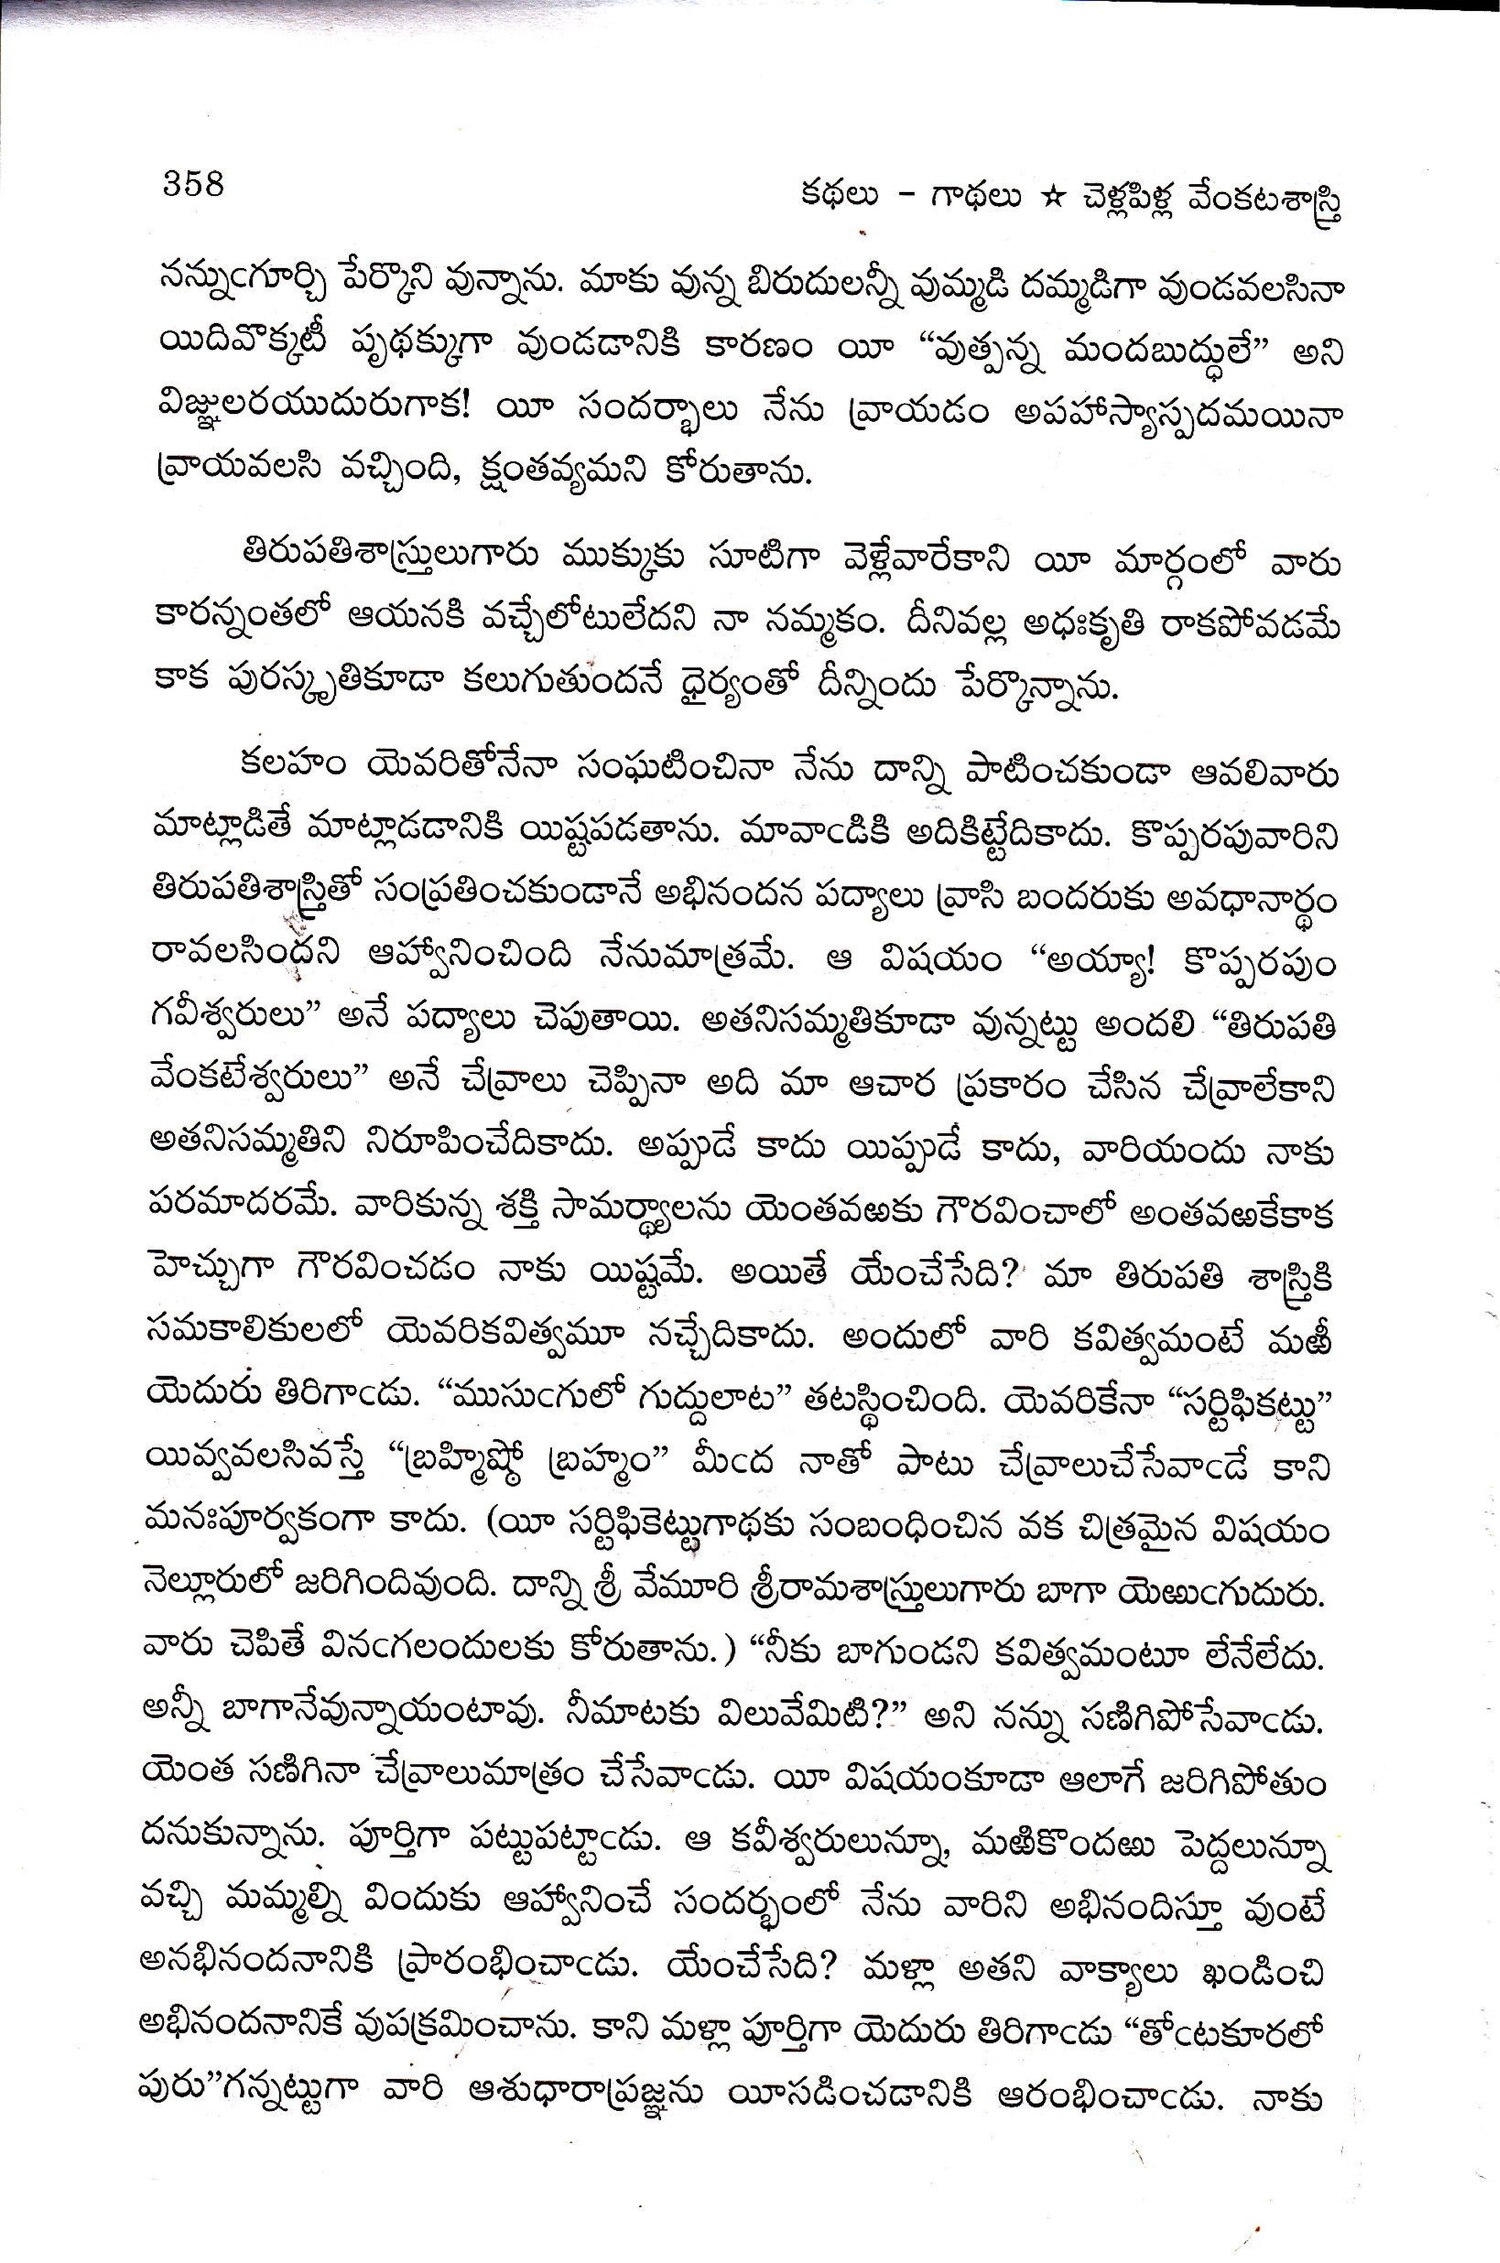నన్నుఁగూర్చి పేర్కొని వున్నాను. మాకు వున్న బిరుదులన్నీ వుమ్మడి దమ్మడిగా వుండవలసినా యిదివొక్కటీ పృథక్కుగా వుండడానికి కారణం యీ “వుత్పన్న మందబుద్దులే" అని విజ్ఞులరయుదురుగాక! యీ సందర్భాలు నేను వ్రాయడం అపహాస్యాస్పదమయినా వ్రాయవలసి వచ్చింది, క్షంతవ్యమని కోరుతాను.

తిరుపతిశాస్త్రులుగారు ముక్కుకు సూటిగా వెళ్లేవారేకాని యీ మార్గంలో వారు కారన్నంతలో ఆయనకి వచ్చేలోటులేదని నా నమ్మకం. దీనివల్ల అధఃకృతి రాకపోవడమే కాక పురస్కృతికూడా కలుగుతుందనే ధైర్యంతో దీన్నిందు పేర్కొన్నాను.

కలహం యెవరితోనేనా సంఘటించినా నేను దాన్ని పాటించకుండా ఆవలివారు మాట్లాడితే మాట్లాడడానికి యిష్టపడతాను. మావాఁడికి అదికిట్టేదికాదు. కొప్పరపువారిని తిరుపతిశాస్త్రితో సంప్రతించకుండానే అభినందన పద్యాలు వ్రాసి బందరుకు అవధానార్థం రావలసిందని ఆహ్వానించింది నేను మాత్రమే. ఆ విషయం “అయ్యా! కొప్పరపుం గవీశ్వరులు" అనే పద్యాలు చెపుతాయి. అతనిసమ్మతికూడా వున్నట్టు అందలి "తిరుపతి వేంకటేశ్వరులు" అనే చేవ్రాలు చెప్పినా అది మా ఆచార ప్రకారం చేసిన చేవ్రాలేకాని అతనిసమ్మతిని నిరూపించేదికాదు. అప్పుడే కాదు యిప్పుడే కాదు, వారియందు నాకు పరమాదరమే. వారికున్న శక్తి సామర్థ్యాలను యెంతవఱకు గౌరవించాలో అంతవఱకేకాక హెచ్చుగా గౌరవించడం నాకు యిష్టమే. అయితే యేంచేసేది? మా తిరుపతి శాస్త్రికి సమకాలికులలో యెవరికవిత్వమూ నచ్చేదికాదు. అందులో వారి కవిత్వమంటే మఱీ యెదురు తిరిగాఁడు. "ముసుఁగులో గుద్దులాట" తటస్థించింది. యెవరికేనా "సర్టిఫికట్టు" యివ్వవలసివస్తే “బ్రహ్మిష్ఠో బ్రహ్మం" మీఁద నాతో పాటు చేవ్రాలుచేసేవాఁడే కాని మనఃపూర్వకంగా కాదు. (యీ సర్టిఫికెట్టుగాథకు సంబంధించిన వక చిత్రమైన విషయం నెల్లూరులో జరిగిందివుంది. దాన్ని శ్రీ వేమూరి శ్రీరామశాస్త్రులుగారు బాగా యెఱుఁగుదురు. వారు చెపితే వినఁగలందులకు కోరుతాను.) “నీకు బాగుండని కవిత్వమంటూ లేనేలేదు. అన్నీ బాగానేవున్నాయంటావు. నీమాటకు విలువేమిటి?” అని నన్ను సణిగిపోసేవాఁడు. యెంత సణిగినా చేవ్రాలుమాత్రం చేసేవాఁడు. యీ విషయంకూడా ఆలాగే జరిగిపోతుం దనుకున్నాను. పూర్తిగా పట్టుపట్టాఁడు. ఆ కవీశ్వరులున్నూ మఱికొందఱు పెద్దలున్నూ వచ్చి మమ్మల్ని విందుకు ఆహ్వానించే సందర్భంలో నేను వారిని అభినందిస్తూ వుంటే అనభినందనానికి ప్రారంభించాఁడు. యేంచేసేది? మళ్లా అతని వాక్యాలు ఖండించి అభినందనానికే వుపక్రమించాను. కాని మళ్లాపూర్తిగా యెదురు తిరిగాండు “తోఁటకూరలో పురు"గన్నట్టుగా వారి ఆశుధారాప్రజ్ఞను యీసడించడానికి ఆరంభించాఁడు. నాకు